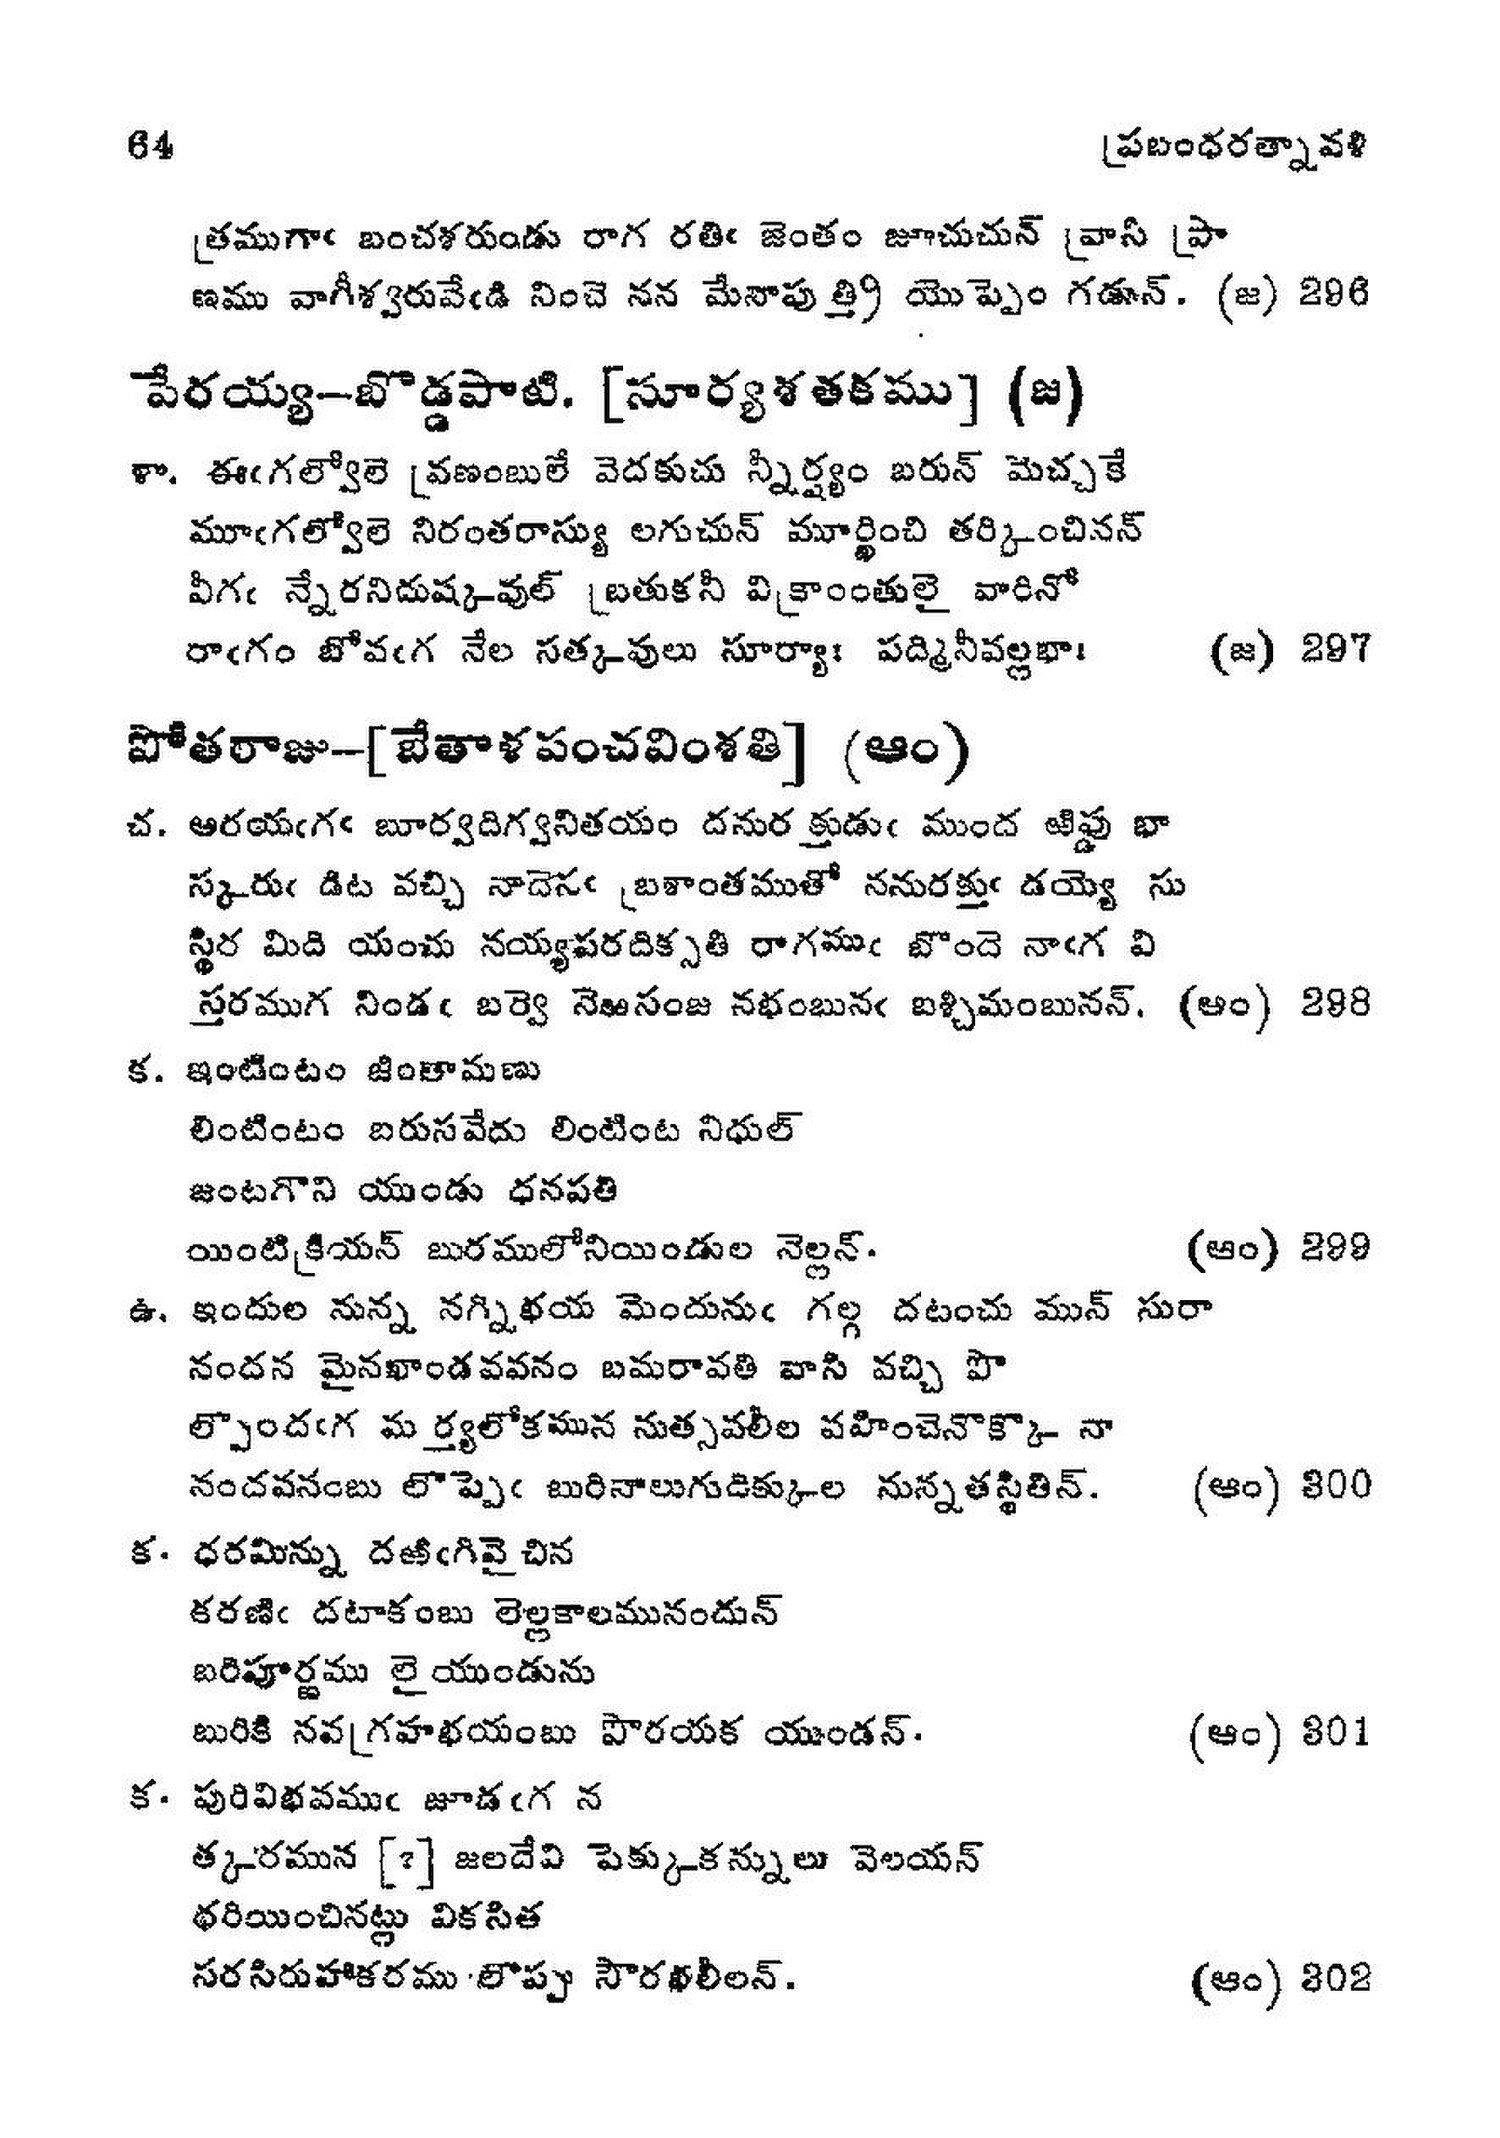త్రముగాఁ బంచశరుండు రాగరతిఁ జెంతంచూచుచున్ వ్రాసి ప్రా
ణము వాగీశ్వరు వేఁడి నించె నన మేనాపుత్త్రి యొప్పెం గడున్. (జ) 296

పేరయ్య, బొడ్డపాటి [సూర్యశతకము] (జ)
శా. ఈఁగల్వోలె వ్రణంబులే వెదకుచు న్నీర్ష్యం బరు న్మెచ్చ కే
మూఁగల్ వోలె నిరంతరాస్యులగుచున్ మూర్ఖించి తర్కించినన్
వీగఁ న్నేరని దుష్కవుల్ బ్రతుకనీ విక్రాంతులై వారినో
రాఁగం బోవఁగ నేల సత్కవులు సూర్యా! పద్మినీవల్లభా! (జ) 297

పోతరాజు [బేతాళపంచవింశతి] (ఆం)
చ. అరయఁగఁ బూర్వదిగ్వనితయం దనురక్తుఁడు ముంద ఱిప్డు భా
స్కరుఁ డిట వచ్చి నాదెసఁ బ్రశాంతముతో ననురక్తుఁ డయ్యె సు
స్థిర మిది యంచు నయ్యపరదిక్సతి రాగముఁ బొందె నాఁగ వి
స్తరముగ నిండఁ బర్వె నెఱసంజ నభంబునఁ బశ్చిమంబునన్. (ఆం) 298

క. ఇంటింటం జింతామణు
లింటింటం బరుసవేదు లింటింట నిధుల్
జంటగొని యుండు ధనపతి
యింటి క్రియన్ బురములోని యిండుల నెల్లన్. (ఆం) 299

ఉ. ఇందుల నున్న నగ్నిభయ మెందునుఁ గల్గదటంచు మున్ సురా
నందనమైన ఖాండవవనం బమరావతి వాసి వచ్చి పొ
ల్పొందఁగ మర్త్యలోకమున నుత్సవలీల వహించెనొక్కొ నా
నందనవనంబు లొప్పెఁ బురి నాలుగుదిక్కుల నున్నతస్థితిన్. (ఆం) 300

క. ధర మిన్ను దఱిఁగివైచిన
కరణిఁ దటాకంబు లెల్లకాలమునందున్
బరిపూర్ణములై యుండును
బురికి నవగ్రహభయంబు పొరయక యుండన్. (ఆం) 301

క. పురివిభవముఁ జూడఁగ న
త్కరమున [?] జలదేవి పెక్కుకన్నుల వెలయన్
ధరియించినట్లు వికసిత
సరిసిరుహాకరము లొప్పు సౌరభలీలన్. (ఆం) 302